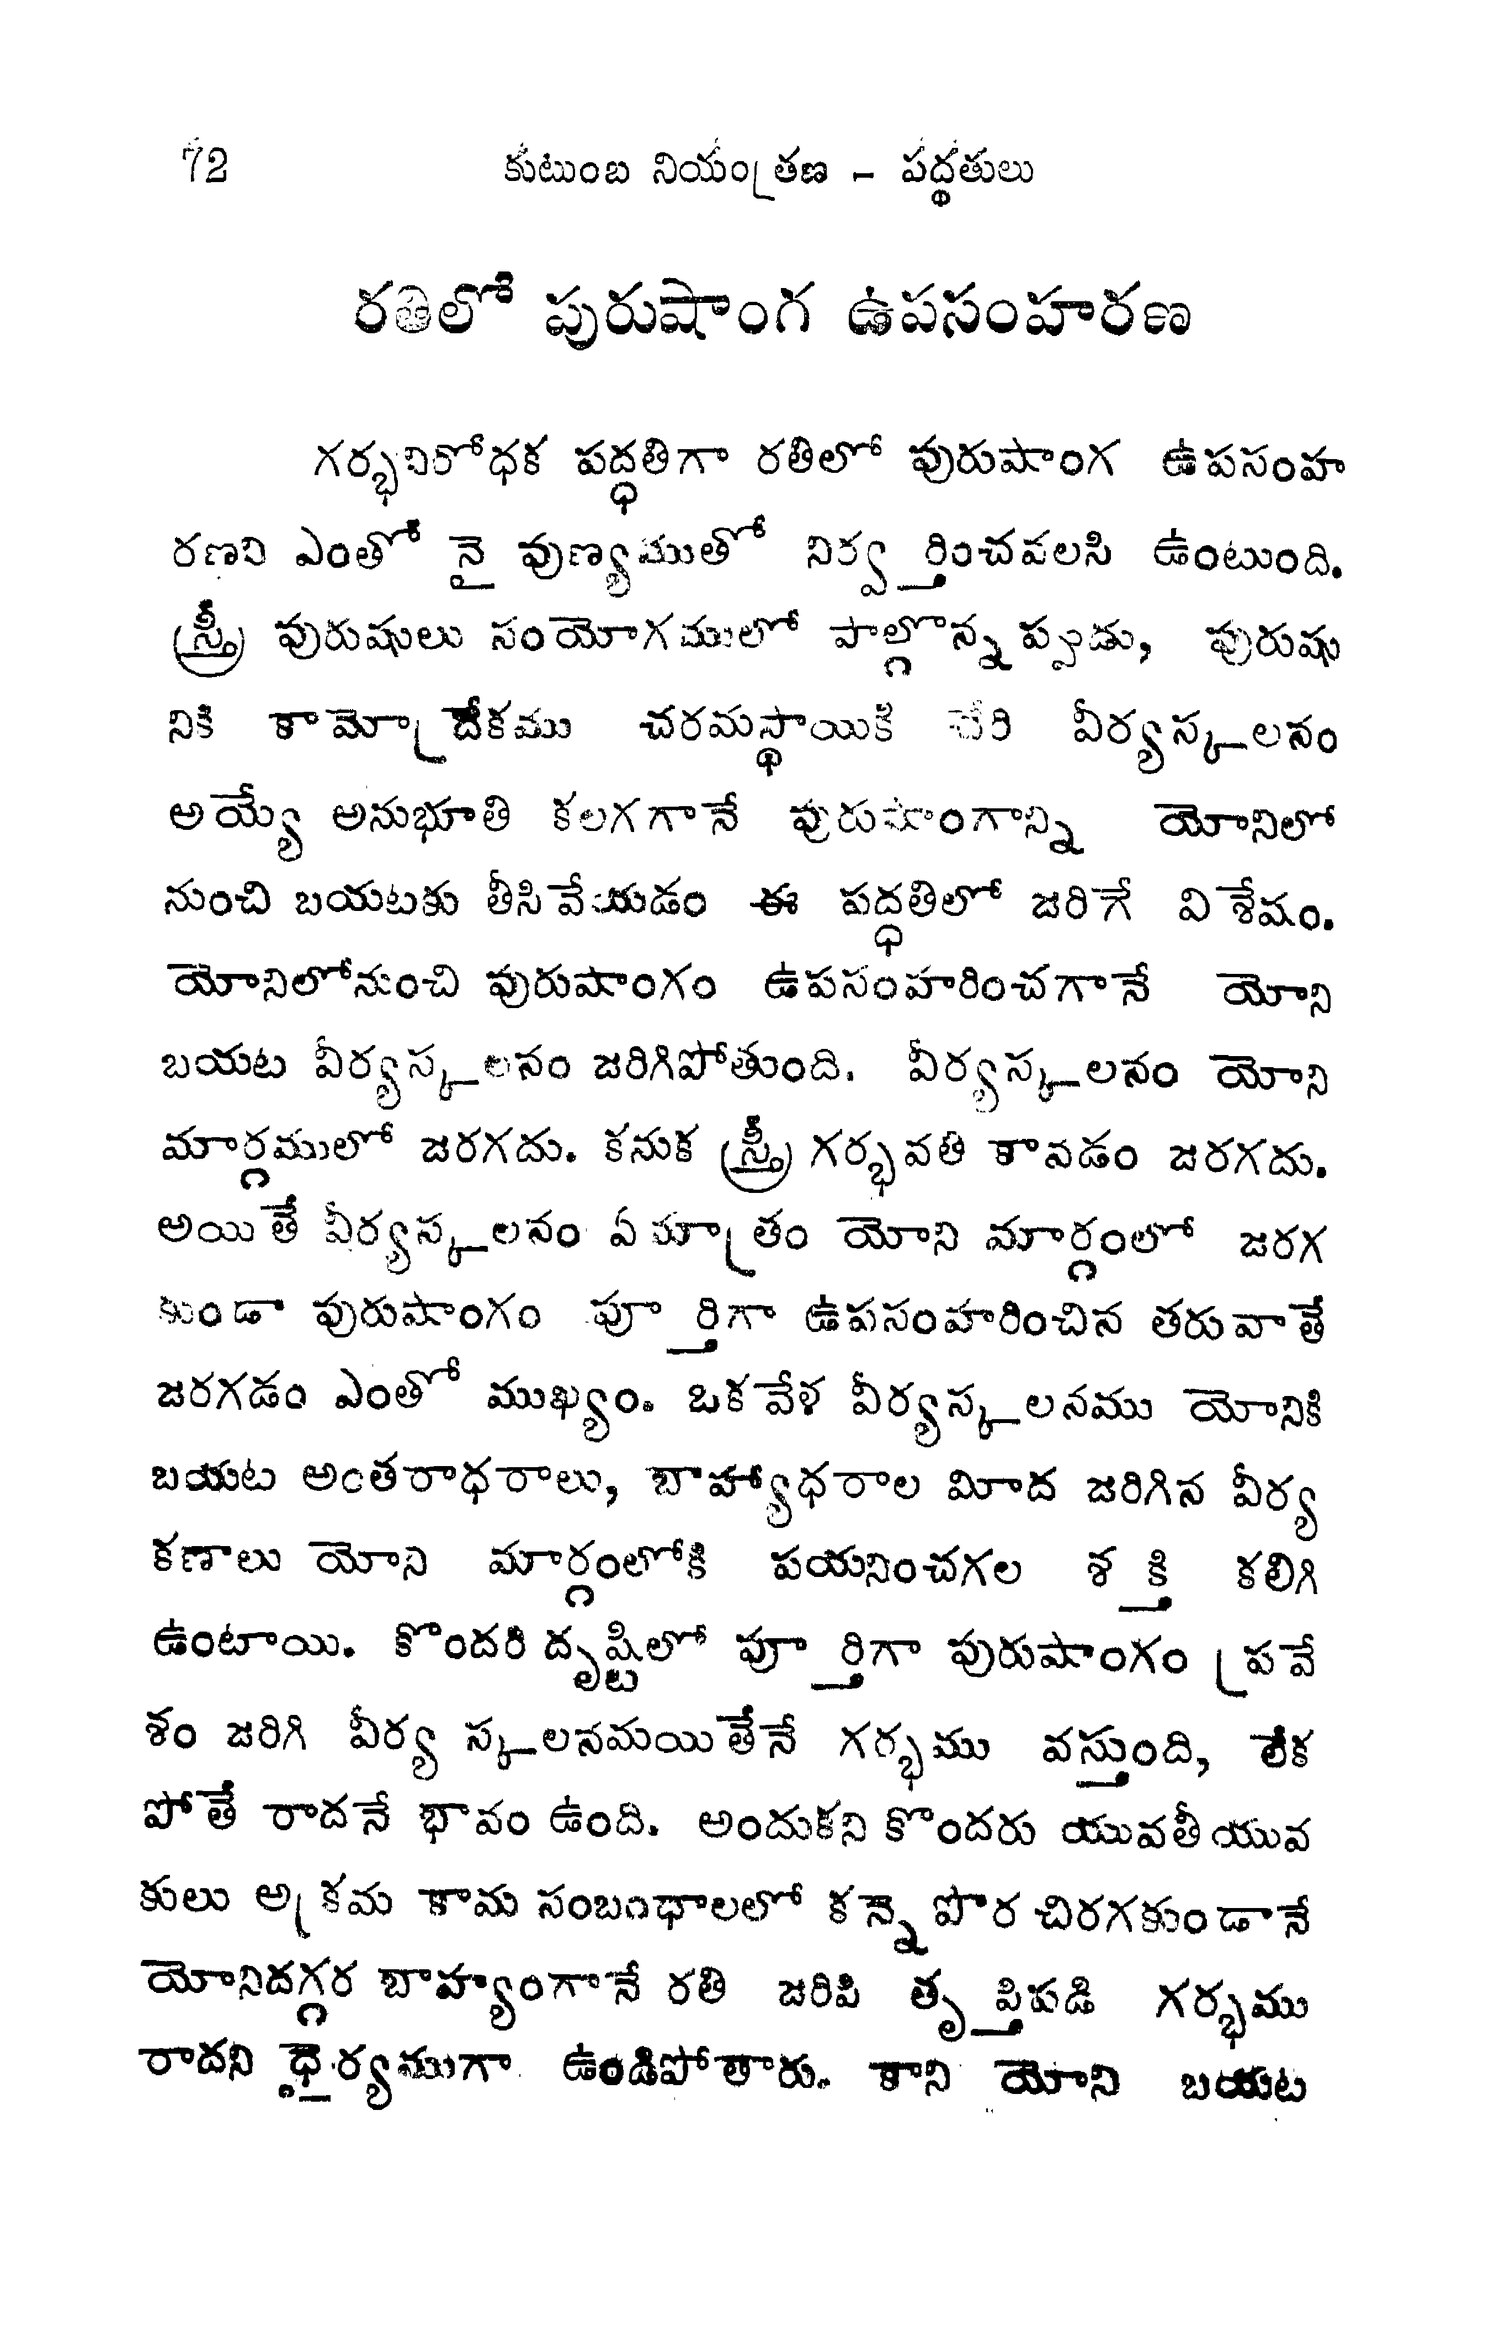గర్భనిరోధక పద్ధతిగా రతిలో పురుషాంగ ఉపసంహరణని ఎంతో నైపుణ్యముతో నిర్వర్తించవలసి ఉంటుంది. స్త్రీ పురుషులు సంయోగములో పాల్గొన్నప్పుడు, పురుషునికి కామోద్రేకము చరమస్థాయికి చేరి వీర్యస్కలనం అయ్యే అనుభూతి కలగగానే పురుషాంగాన్ని యోనిలోనుంచి బయటకు తీసివేయడం ఈ పద్దతిలో జరిగే విశేషం. యోనిలోనుంచి పురుషాంగం ఉపసంహరించగానే యోని బయట వీర్యస్కలనం జరిగిపోతుంది. వీర్యస్కలనం యోని మార్గములో జరగదు. కనుక స్త్రీ గర్భవతి కావడం జరగదు. అయితే వీర్యస్కలనం ఏమాత్రం యోని మార్గంలో జరగకుండా పురుషాంగం పూర్తిగా ఉపసంహరించిన తరువాతే జరగడం ఎంతో ముఖ్యం. ఒకవేళ వీర్యస్కలనము యోనికి బయట అంతరాధరాలు, బాహ్యాధరాల మీద జరిగిన వీర్యకణాలు యోని మార్గంలోకి పయనించగల శక్తి కలిగి ఉంటాయి. కొందరి దృష్టిలో పూర్తిగా పురుషాంగం ప్రవేశం జరిగి వీర్య స్కలనమయితేనే గర్భము వస్తుంది, లేకపోతే రాదనే భావం ఉంది. అందుకని కొందరు యువతీ యువకులు అక్రమ కామ సంబంధాలలో కన్నెపొర చిరగకుండానే యోనిదగ్గర బాహ్యంగానే రతి జరిపి తృప్తిపడి గర్భము రాదని ధైర్యముగా ఉండిపోతారు. కాని యోని బయట